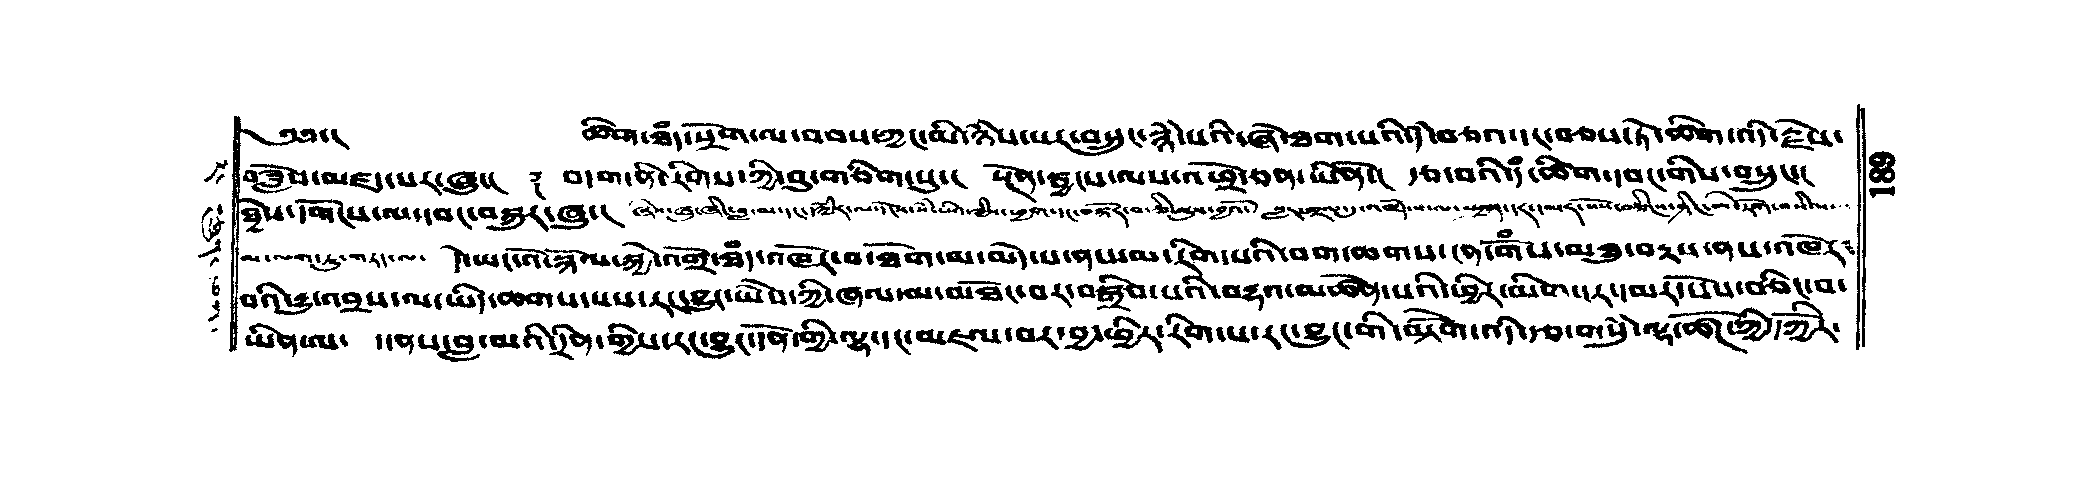ཚིག་ཐམས་ཅད་སྲོག་ལ་བབས་ཀྱང་མི་ཉམས་པར་བསྲུང་སྙམ་པའི་ཞེ་ཐག་པའི་དམ་བཅའ་དང་བཅས་ཏེ་ཚིག་འདི་རྗེས་
བཟློས་མཛད་པར་ཞུ། ༈ བདག་ནི་རིགས་ཀྱི་བུ་གཅིག་པུ། སྔོན་སྦྱངས་ལས་འཕྲོ་ཅན་ཡིན་ནོ། རྩ་བའི་དམ་ཚིག་དབང་གིས་བསྲུང་། 
ཐུགས་རྗེས་དགོངས་ལ་བདང་བསྐུར་ཞུ། ཞེས་ཞུ་ཞིང་བླ་མ་དང་དཀྱིལ་འཁོར་ལ་དངོས་སམ་ཡིད་ཀྱིས་ཕྱག་དང་བསྐོར་བ་ཅི་ནུས་བྱའོ། སླད་གྲལ་དུ་འཁོད་པ་ལ་སྤྱན་དར་དམར་པོས་བཅིངས་ཤིང་མེ་ཏོག་བསིལ་
མ་ལག་ཏུ་གཏད་ལ། དེ་ཡང་འོ་སྐོལ་སྐྱེ་འགྲོ་ཐམས་ཅད་འཁོར་བ་ཐོག་མ་མེད་པ་ནས་མ་རིག་པའི་བག་ཆགས་ངན་གོམས་མཐུ་བརྟས་ནས་འཁོར་
བའི་རྒྱུ་འབྲས་ལ་ཡིད་ཆགས་པས་རང་བྱུང་ཡེ་ཤེས་ཀྱི་ཞལ་མ་མཐོང་བར་བསྒྲིབ་པའི་བརྡ་མཚོན་པའི་ཕྱིར་མིག་དར་དམར་པོས་བཅིང་བ་
ཡིན་ལ། ད་ནས་བླ་མའི་དྲིན་གྱིས་རང་འབྱུང་དོན་གྱི་ལྷ་དང་མཇལ་བར་བྱ་ཕྱིར་རིག་པ་རང་བྱུང་གི་མེ་ཏོག་འདི་རྩ་གསུམ་ལྷ་ཚོགས་ཀྱི་དཀྱིལ་འཁོར་